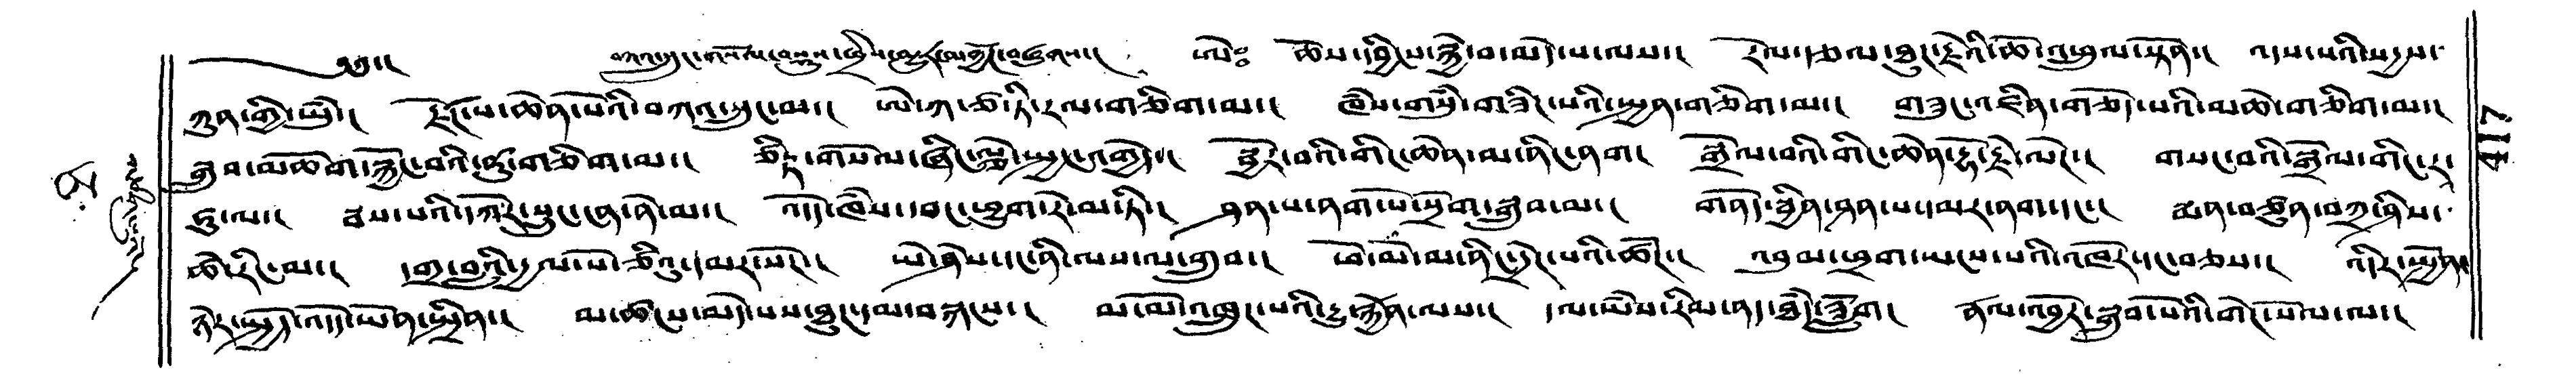བཀའ་སྲུང་གསོལ་བསྡུས་ཕྲིན་ལས་མྱུར་མགྱོགས་བཞུགས། ཨེཿ ཆོས་དབྱིངས་སྐྱེ་བ་མེད་པ་ལས། །རོལ་རྩལ་ཐུགས་རྗེའི་ཆོ་འཕྲུལ་སྟོན། །འདས་པའི་སངས་རྒྱས་
ཀུན་གྱི་ཡུམ། །རྫོགས་པ་ཆེན་པོའི་བཀའ་སྲུང་མ། །ཨེ་ཀ་ཙ་ཏི་རལ་གཅིག་མ། ཁམས་གསུམ་གཟིགས་པའི་སྤྱན་གཅིག་མ། །གཟུང་འཛིན་གཅོད་པའི་མཆེ་གཅིག་མ། །
སྒྲུབ་མཆོག་སྐྱོང་བའི་ནུ་གཅིག་མ། །ཙིཏྟ་གསོལ་ཞིང་ལྕེ་སྤྱང་འགྱེད། །སྦྱོར་བའི་གིང་ཆེན་མ་ནིང་ནག །སྒྲོལ་བའི་གིང་ཆེན་རྡོ་རྗེ་ལེགས། །གསང་བའི་སྒྲོལ་གིང་རཱ་
ཧུ་ལ། །སྦས་པའི་དཀོར་སྲུང་ངན་ནེ་མ། །འདོད་ཁམས་དབང་ཕྱུག་རེ་མ་ཏི། །ཤན་པ་ནག་པོ་སྲོག་སྒྲུབ་མ། །གནོད་སྦྱིན་ཤན་པ་དམར་ནག་དང། །སྨན་བཙུན་བཀྲ་ཤིས་
ཚེ་རིང་མ། །དགྲ་བླའི་རྒྱལ་པོ་ཙིའུ་དམར་སོགས། །ཡེ་ཤེས་དང་ནི་ལས་ལ་སྒྲུབ། །ཕོ་མོ་མ་ནིང་དྲེགས་པའི་ཚོགས། །འབུམ་ཕྲག་ཡངས་པའི་འཁོར་དང་བཅས། །འདིར་སྤྱོན་
ཉེར་སྤྱོད་འདོད་ཡོན་སྤྲིན། །མ་ཚང་མེད་པས་ཐུགས་དམ་བསྐང་། །མ་མོ་འཁྲུགས་པའི་རྒྱུ་རྐྱེན་ལས། །དལ་ཡམས་རིམ་ནད་ཐམས་ཅད་བཟློག །རྣལ་འབྱོར་སྒྲུབ་པོའི་གེགས་སོལ་ལ།